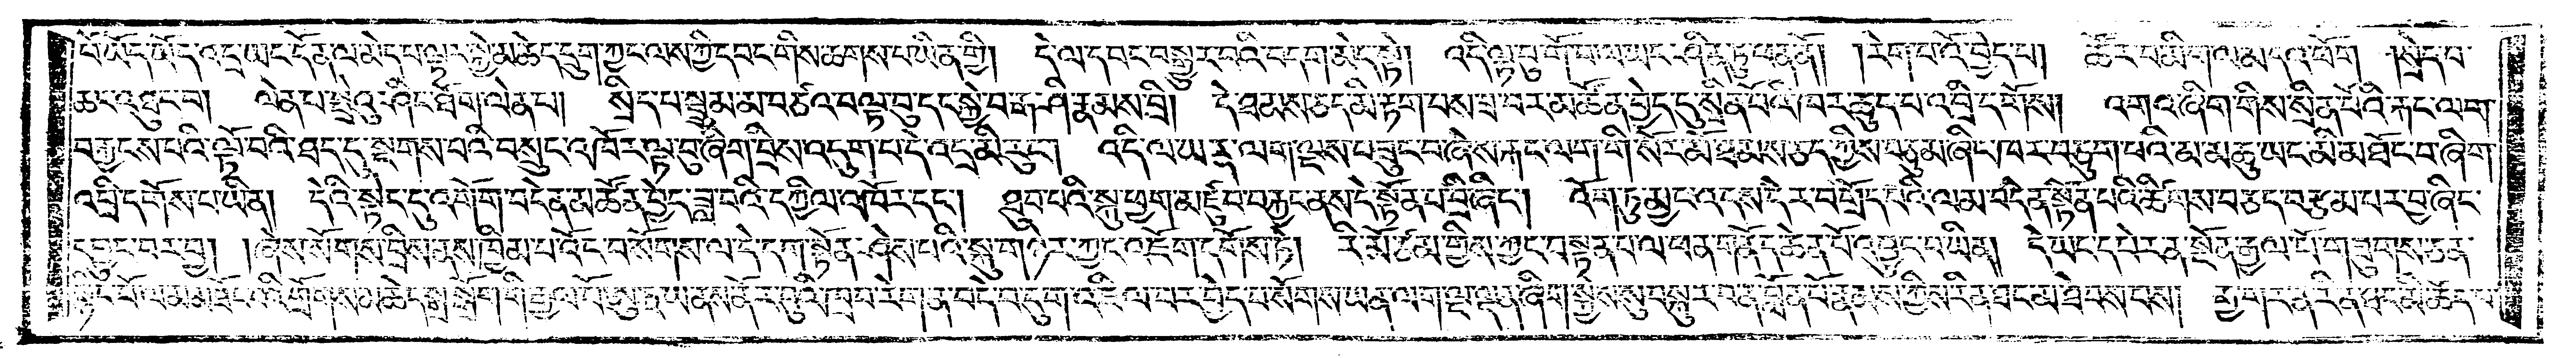པོ་ཡོད་ཡོད་འདྲ་ཡང་དོན་ལ་མེད་པ་ལྟར་སྐྱེ་མ་ཆེད་དྲུག་ཀྱང་ལས་ཀྱི་དབང་གིས་ཆགས་པ་ཡིན་གྱི། །དེ་ལ་དབང་བསྒྱུར་བའི་བདག་མེད་སྟེ། འདི་ལྟ་བུ་གོ་བ་ལ་ཡང་ཤིན་ཏུ་ཕན་ནོ། །རེག་པའོ་བྱེད་པ། ཚོར་བ་མིག་ལ་མདའ་འཕོག། སྲེད་པ་
ཆང་འཐུང་བ། ལེན་པ་སྤྲེའུ་ཤིང་ཐོག་ལེན་པ། སྲིད་པ་སྦྲུམ་མ་བཙའ་བ་ལྟ་བུ་དང་སྐྱེ་བ་རྒ་ཤི་རྣམས་བྲི། དེ་ཐམས་ཅད་མི་རྟག་པས་ཟ་བར་མཚོན་བྱེད་དུ་སྲིན་པོའི་ཁར་ཆུད་པ་འབྲི་དགོས། འགའ་ཞིག་གིས་སྲིན་པོའི་རྐང་ལག་
བརྐྱངས་པའི་ལྟོ་བའི་ཐད་དུ་སྔགས་པའི་བསྲུང་འཁོར་ལྟ་བུ་ཞིག་བྲིས་འདུག་པ་དེ་འདྲ་མི་རུང་། འདི་ལ་ཡན་ལག་ལྔས་བཟུང་བ་ཞེས་རྐང་ལག་གི་སོར་མོ་ཐམས་ཅད་ཀྱིས་བཅུམ་ཞིང་ཁར་བཅུག་པའི་མ་མཆུ་ཡང་མི་མཐོང་བ་ཞིག་
འབྲི་དགོས་པ་ཡིན། དེའི་སྟེང་དུ་འགོག་བདེན་མཚོན་བྱེད་ཟླ་བའི་དཀྱིལ་འཁོར་དང་། ཐུབ་པའི་སྐུ་ཕྱག་མཛུབ་བརྐྱང་ནས་དེ་སྟོན་པ་བྲི་ཞིང་། འོག་ཏུ་མྱང་འདས་དེར་བགྲོད་པའི་ལམ་བདེན་སྟོན་པའི་ཚིགས་བཅད་བརྩམ་པར་བྱ་ཞིང་
དབྱུང་བར་བྱ། །ཞེས་སོགས་བྲིས་ནས་ཁྱིམ་པ་འོང་བ་སོགས་ལ་དེ་དག་སྟོན་ཤེས་པའི་སྐུ་གཉེར་ཀྱང་འཇོག་དགོས་ཏེ། རི་མོ་ཙམ་གྱིས་ཀྱང་བསྟན་པ་ལ་ཕན་གནོད་ཆེན་པོ་འབྱུང་བ་ཡིན། དེ་ཡང་དཔེར་ན་སྔོན་རྒྱལ་པོ་གཟུགས་ཅན་
སྙིང་པོ་ལམ་མཐོང་བའི་གྲོགས་མ་ཆེད་སྒྲ་སྒྲོག་གི་རྒྱལ་པོ་ཨུཏྲ་ཡ་ནས་ནོར་བུའི་ཁྲབ་རེག་ན་བདེ་བ་དུག་འཇིལ་བར་བྱེད་པ་སོགས་ཡན་ལག་ལྔ་ལྡན་ཞིག་སྐྱེས་སུ་བསྐུར་བ་ན་བློན་པོ་རྣམས་ཀྱིས་རིན་ཐང་མ་ཐེབས་པས། རྒྱ་གར་ན་རིན་ཐང་མི་ཆོད་པ་